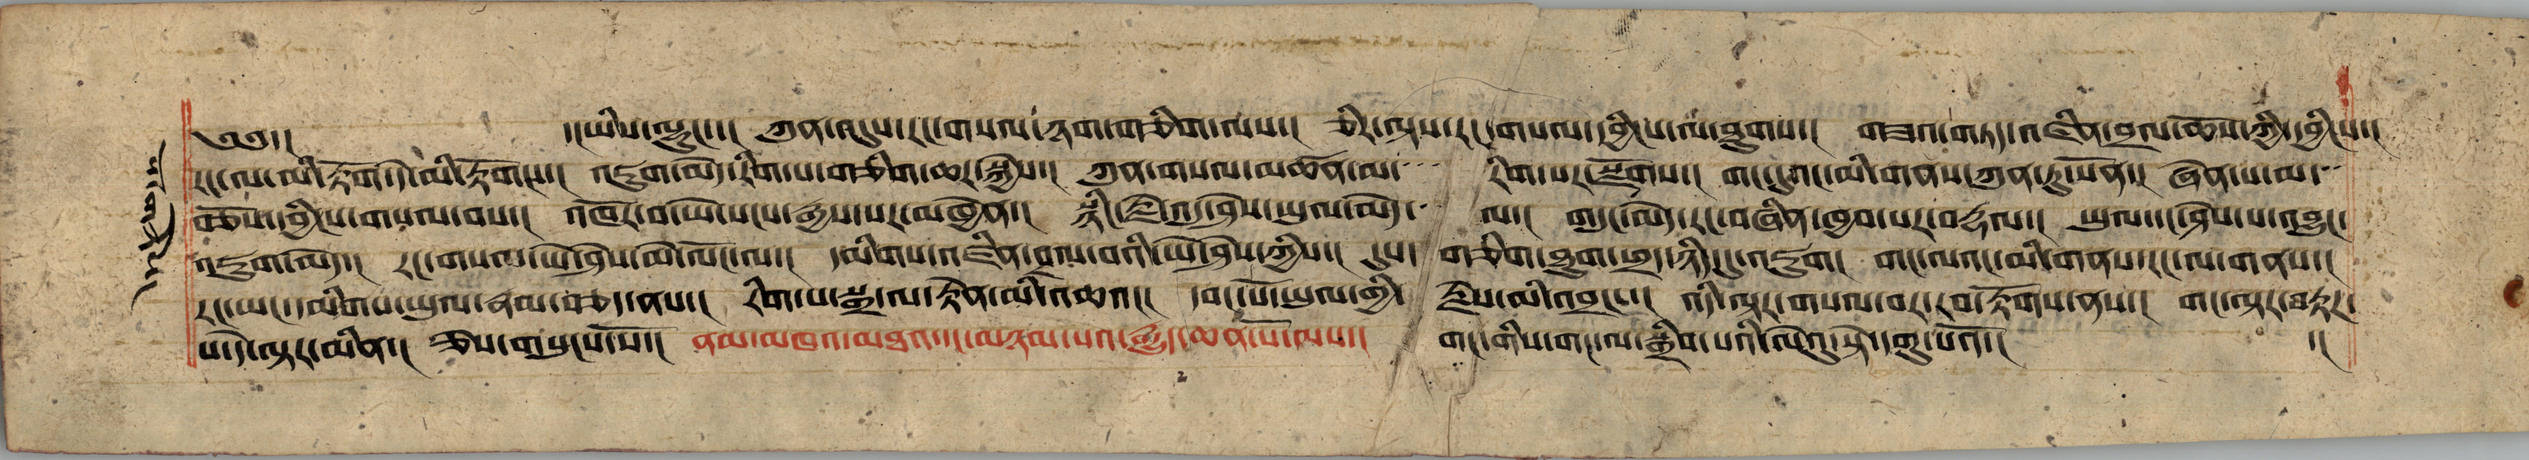༄༅་། ་།ཡིས་ལྷུང་་། ཀུན་འདུས་རང་གསལ་ཉག་གཅིག་ལས་། ཅིར་ལྟས་རང་གསལ་དབྱིངས་ལ་ཐུགས་། གཟའ་གཏད་འཛིན་བྲལ་ཆོས་ཀྱི་དབྱིངས་།
རང་ལ་མི་རྟོག་དེ་མི་རྟོགས་། འཇུག་མེད་རིག་པ་གཅིག་ཆར་སྐྱེས་། ཀུན་གསལ་མཚན་མ་ རིག་པར་སྫོགས་། གང་དུའང་མི་གནས་ཀུན་ཏུ་སོན་། ཞེན་པ་མ་
བཅོས་དབྱིངས་གསལ་བས་། འཁོར་བ་ཡེ་སངས་རྒྱས་པར་མཁྱེན་། སྙིང་རྗེ་འདུ་ཤེས་ཡུལ་མེད་ ལ་། གདུང་མེད་རང་བཞིན་ཁྱབ་པར་བརྡལ་། ཡུལ་དང་ཤེས་པ་འབྱུང་
འཇུག་མེད་། རང་གསལ་ཡེ་ཤེས་མེ་ལོང་ལ་། དམིགས་འཛིན་བྲལ་བའི་ཡེ་ཤེས་ཀྱིས་། དུས་ གཅིག་ཐུག་ཕྲད་ཉིད་དུ་འཇུག། གང་ལའང་མི་གནས་རང་ལ་གནས་།
རང་ཡང་དམིགས་ཡུལ་རྣམ་བཅད་ནས་། རིག་པ་སྒྲ་ལ་རྟེན་མི་འཆའ།།། དབང་པོ་ཡུལ་གྱི་ རྗེས་མི་འབྲང་་། འདི་ལྟར་གསལ་བར་རབ་རྟོགས་ནས་། གང་ལྟར་བརྟཌ་
པ་དེ་ལྟར་མིན་། ཅེས་གསུངས་སོ་། ནམ་མཁའ་མཐའ་དང་མཉམ་པའིང་རྒྱུད་ཆེན་པོ་ལས་། གང་གིས་གང་སྒྲིབ་པའི་ལེའུ་སྟེ་དགུ་པའོ་།